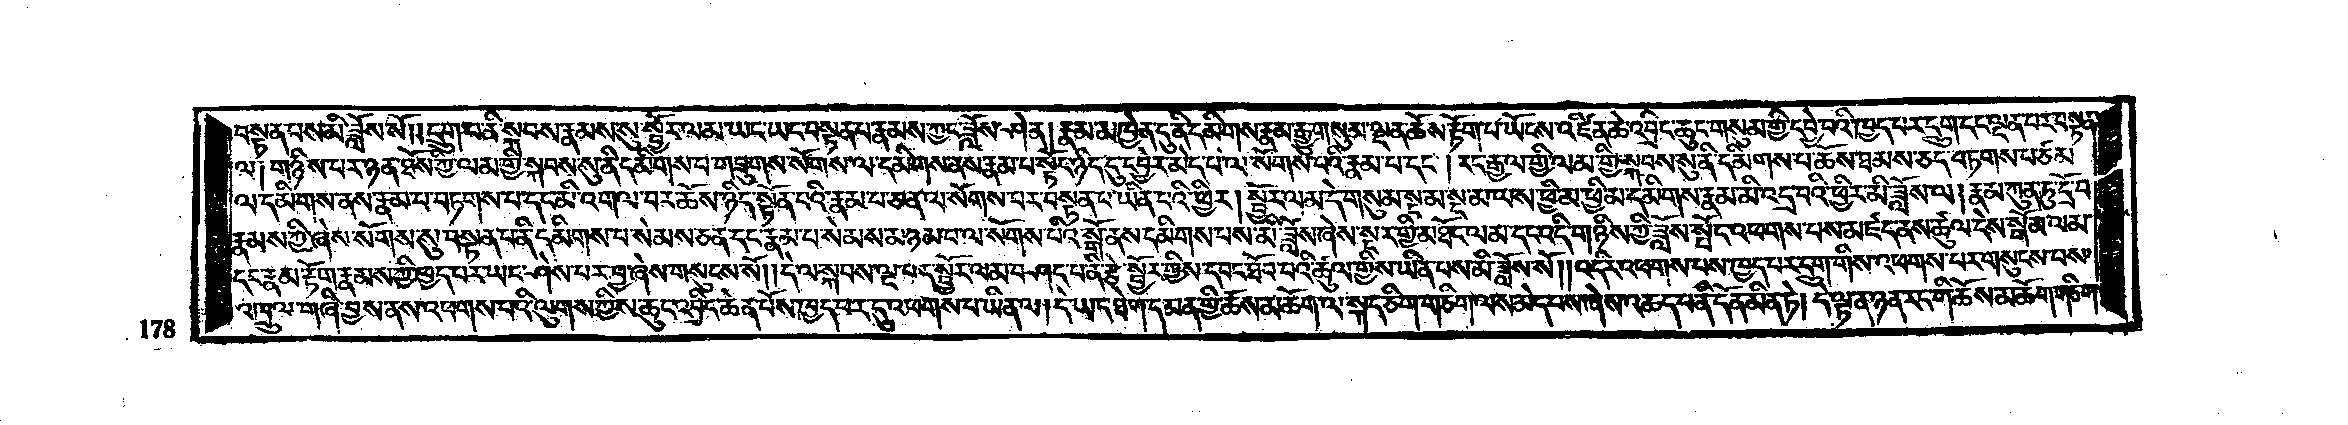བསྟན་པས་མི་ཟློས་སོ། །དྲུག་པ་ནི་སྐབས་རྣམས་སུ་སྦྱོར་ལམ་ཡང་ཡང་བསྟན་པ་རྣམས་ཀྱང་ཟློས་ཤེ་ན། རྣམ་མཁྱེན་དུ་ནི་དམིགས་རྣམ་རྒྱུ་གསུམ་ལྡན་ཆོས་རྟོག་པ་ཡོངས་འཛིན་ཆེ་འབྲིང་ཆུང་གསུམ་གྱི་དབྱེ་བའི་ཁྱད་པར་དྲུག་དང་ལྡན་པར་བསྟན་
ལ། གཉིས་པར་ཉན་ཐོས་ཀྱི་ལམ་གྱི་སྐབས་སུ་ནི་དམིགས་པ་གཟུགས་སོགས་ལ་དམིགས་ནས་རྣམ་པ་སྟོང་ཉིད་དུ་དབྱེར་མེད་པ་ལ་སོགས་པའི་རྣམ་པ་དང་། རང་རྒྱལ་གྱི་ལམ་གྱི་སྐབས་སུ་ནི་དམིགས་པ་ཆོས་ཐམས་ཅད་བཏགས་པ་ཙམ་
ལ་དམིགས་ནས་རྣམ་པ་བཏགས་པ་དང་མི་འགལ་བར་ཆོས་ཉིད་སྟོན་པའི་རྣམ་པ་ཅན་ལ་སོགས་པར་བསྟན་པ་ཡིན་པའི་ཕྱིར། སྦྱོར་ལམ་དེ་གསུམ་སྔ་མ་སྔ་མ་ལས་ཕྱི་མ་ཕྱི་མ་དམིགས་རྣམ་མི་འདྲ་བའི་ཕྱིར་མི་ཟློས་ལ། རྣམ་ཀུན་ཏུ་དྲོ་བ་
རྣམས་ཀྱི་ཞེས་སོགས་སུ་བསྟན་པ་ནི་དམིགས་པ་སེམས་ཅན་དང་རྣམ་པ་སེམས་མཉམ་པ་ལ་སོགས་པའི་སྒོ་ནས་དམིགས་པས་མི་ཟློས་ཞེས་སྔར་གྱི་མཐོང་ལམ་དང་འདི་གཉིས་ཀྱི་ཟློས་སྤོང་འཕགས་པས་མཛད་ནས་ཚུལ་ངེས་སྒོམ་ལམ་
དང་རྣམ་རྟོག་རྣམས་ཀྱི་ཁྱད་པར་ཡང་ཤེས་པར་བྱ་ཞེས་གསུངས་སོ། །དེ་ལ་སྐབས་ལྔ་པར་སྦྱོར་ལམ་བཤད་པ་ནི་རྩེ་སྦྱོར་གྱིས་དབང་ཐོབ་པའི་ཚུལ་གྱིས་ཡིན་པས་མི་ཟློས་སོ། །འདིར་འཕགས་པས་ཁྱད་པར་དྲུག་གིས་འཕགས་པར་གསུངས་པས་
འཁྲུལ་གཞི་བྱས་ནས་འཕགས་པའི་ལུགས་ཀྱིས་ཆུང་འབྲིང་ཆེན་པོས་ཁྱད་པར་དུ་འཕགས་པ་ཡིན་ལ། དེ་ཡང་ཐེག་དམན་གྱི་ཆོས་མཆོག་ལ་སྐད་ཅིག་གཅིག་ལས་མེད་པས་ཞེས་འཆད་པ་ནི་དོན་མིན་ཏེ། དེ་ལྟ་ན་ཉན་རང་གི་ཆོས་མཆོག་གཅིག་